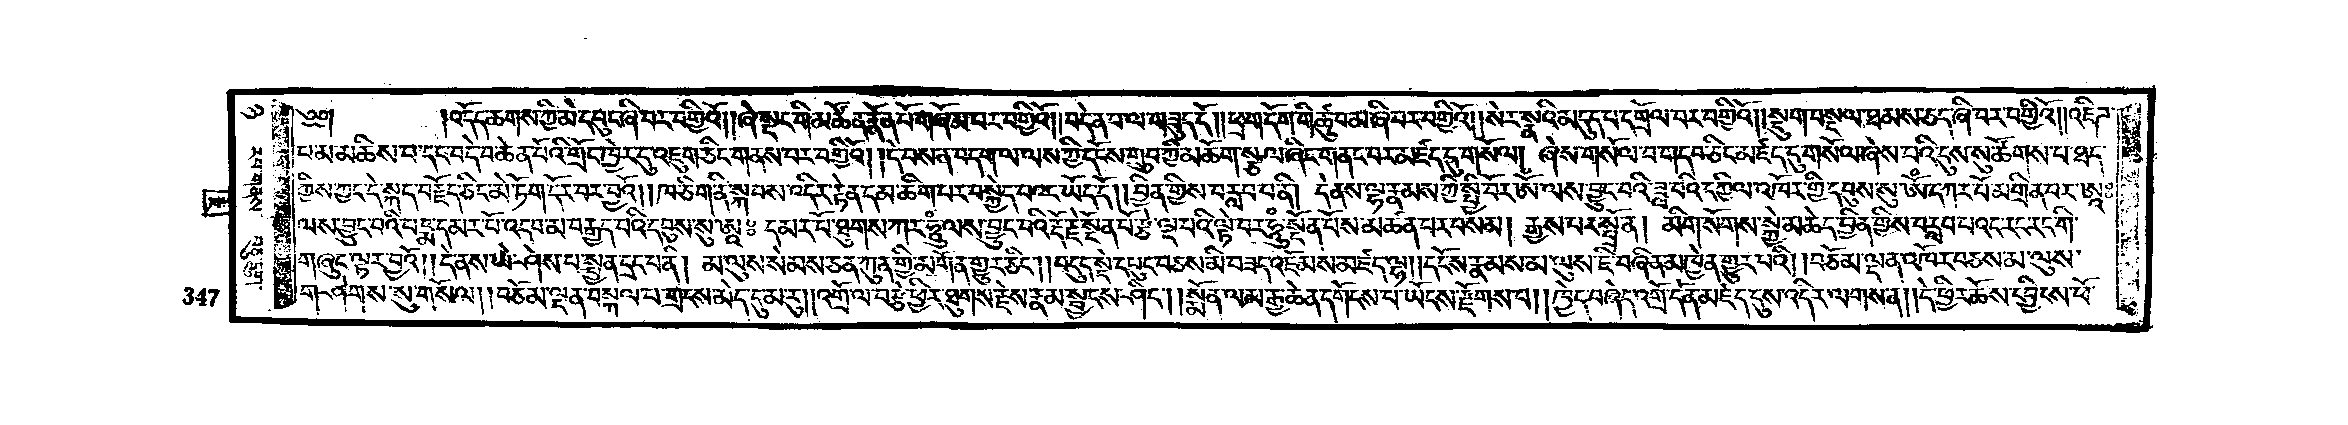༄༅། །འདོད་ཆགས་ཀྱི་མེ་དཔུང་ཞི་བར་བགྱིའོ། །ཞེ་སྡང་གི་མཚོན་རྣོན་པོ་གཞོམ་པར་བགྱིའོ། །བདེན་པ་ལ་གཟུད་དོ། །ཕྲག་དོག་གི་ཚུབ་མ་ཞི་བར་བགྱིའོ། །སེར་སྣའི་མདུད་པ་དགྲོལ་བར་བགྱིའོ། །སྡུག་བསྔལ་ཐམས་ཅད་ཞི་བར་བགྱིའོ། །འཇིགས་
པ་མ་མཆིས་པ་དང་བདེ་བ་ཆེན་པོའི་གྲོང་ཁྱེར་དུ་འཇུག་ཅིང་གནས་པར་བགྱིའོ། །དེ་བས་ན་བདག་ལ་ལས་ཀྱི་དངོས་གྲུབ་ཀྱི་མཆོག་སྩལ་ཞིང་གནང་བར་མཛད་དུ་གསོལ། ཞེས་གསོལ་བ་གདབ་ཅིང་མཛད་དུ་གསོལ་ཞེས་པའི་དུས་སུ་ཚོགས་པ་ཐམས་
ཀྱིས་ཀྱང་དེ་སྐད་བརྗོད་ཅིང་མེ་ཏོག་དོར་བར་བྱའོ། །ཁ་ཅིག་ནི་སྐབས་འདིར་རྟེན་དམ་ཚིག་པར་བསྐྱེད་པའང་ཡོད་དོ། །བྱིན་གྱིས་བརླབ་པ་ནི། དེ་ནས་ལྷ་རྣམས་ཀྱི་སྤྱི་བོར་ཨོཾ་ལས་བྱུང་བའི་ཟླ་བའི་དཀྱིལ་འཁོར་གྱི་དབུས་སུ་ཨོཾ་དཀར་པོ་མགྲིན་པར་ཨཱཿ
ལས་བྱུང་བའི་པདམ་དམར་པོ་འདབ་མ་བརྒྱད་པའི་དབུས་སུ་ཨཱཿ དམར་པོ་ཐུགས་ཀར་ཧཱུཾ་ལས་བྱུང་བའི་རྡོ་རྗེ་སྔོན་པོ་རྩེ་ལྔ་པའི་ལྟེ་བར་ཧཱུཾ་སྔོན་པོས་མཚན་པར་བསམ། རྒྱས་པར་སྤྲོ་ན། མིག་སོགས་སྐྱེ་མཆེད་བྱིན་གྱིས་བརླབ་པའང་རང་རང་གི་
གཞུང་ལྟར་བྱའོ། །དེ་ནས་ཡེ་ཤེས་པ་སྤྱན་དྲང་པ་ནི། མ་ལུས་སེམས་ཅན་ཀུན་གྱི་མགོན་གྱུར་ཅིང་། །བདུད་སྡེ་དཔུང་བཅས་མི་བཟད་འཇོམས་མཛད་ལྷ། །དངོས་རྣམས་མ་ལུས་ཇི་བཞིན་མཁྱེན་གྱུར་པའི། །བཅོམ་ལྡན་འཁོར་བཅས་མ་ལུས་
གཤེགས་སུ་གསོལ། །བཅོམ་ལྡན་བསྐལ་པ་གྲངས་མེད་དུ་མ་རུ། །འགྲོ་ལ་བརྩེ་ཕྱིར་ཐུགས་རྗེས་རྣམ་སྦྱངས་ཤིང་། །སྨོན་ལམ་རྒྱ་ཆེན་དགོངས་པ་ཡོངས་རྫོགས་པ། །ཁྱེད་བཞེད་འགྲོ་དོན་མཛད་དུས་འདིར་ལགས་ན། །དེ་ཕྱིར་ཆོས་དབྱིངས་ཕོ་